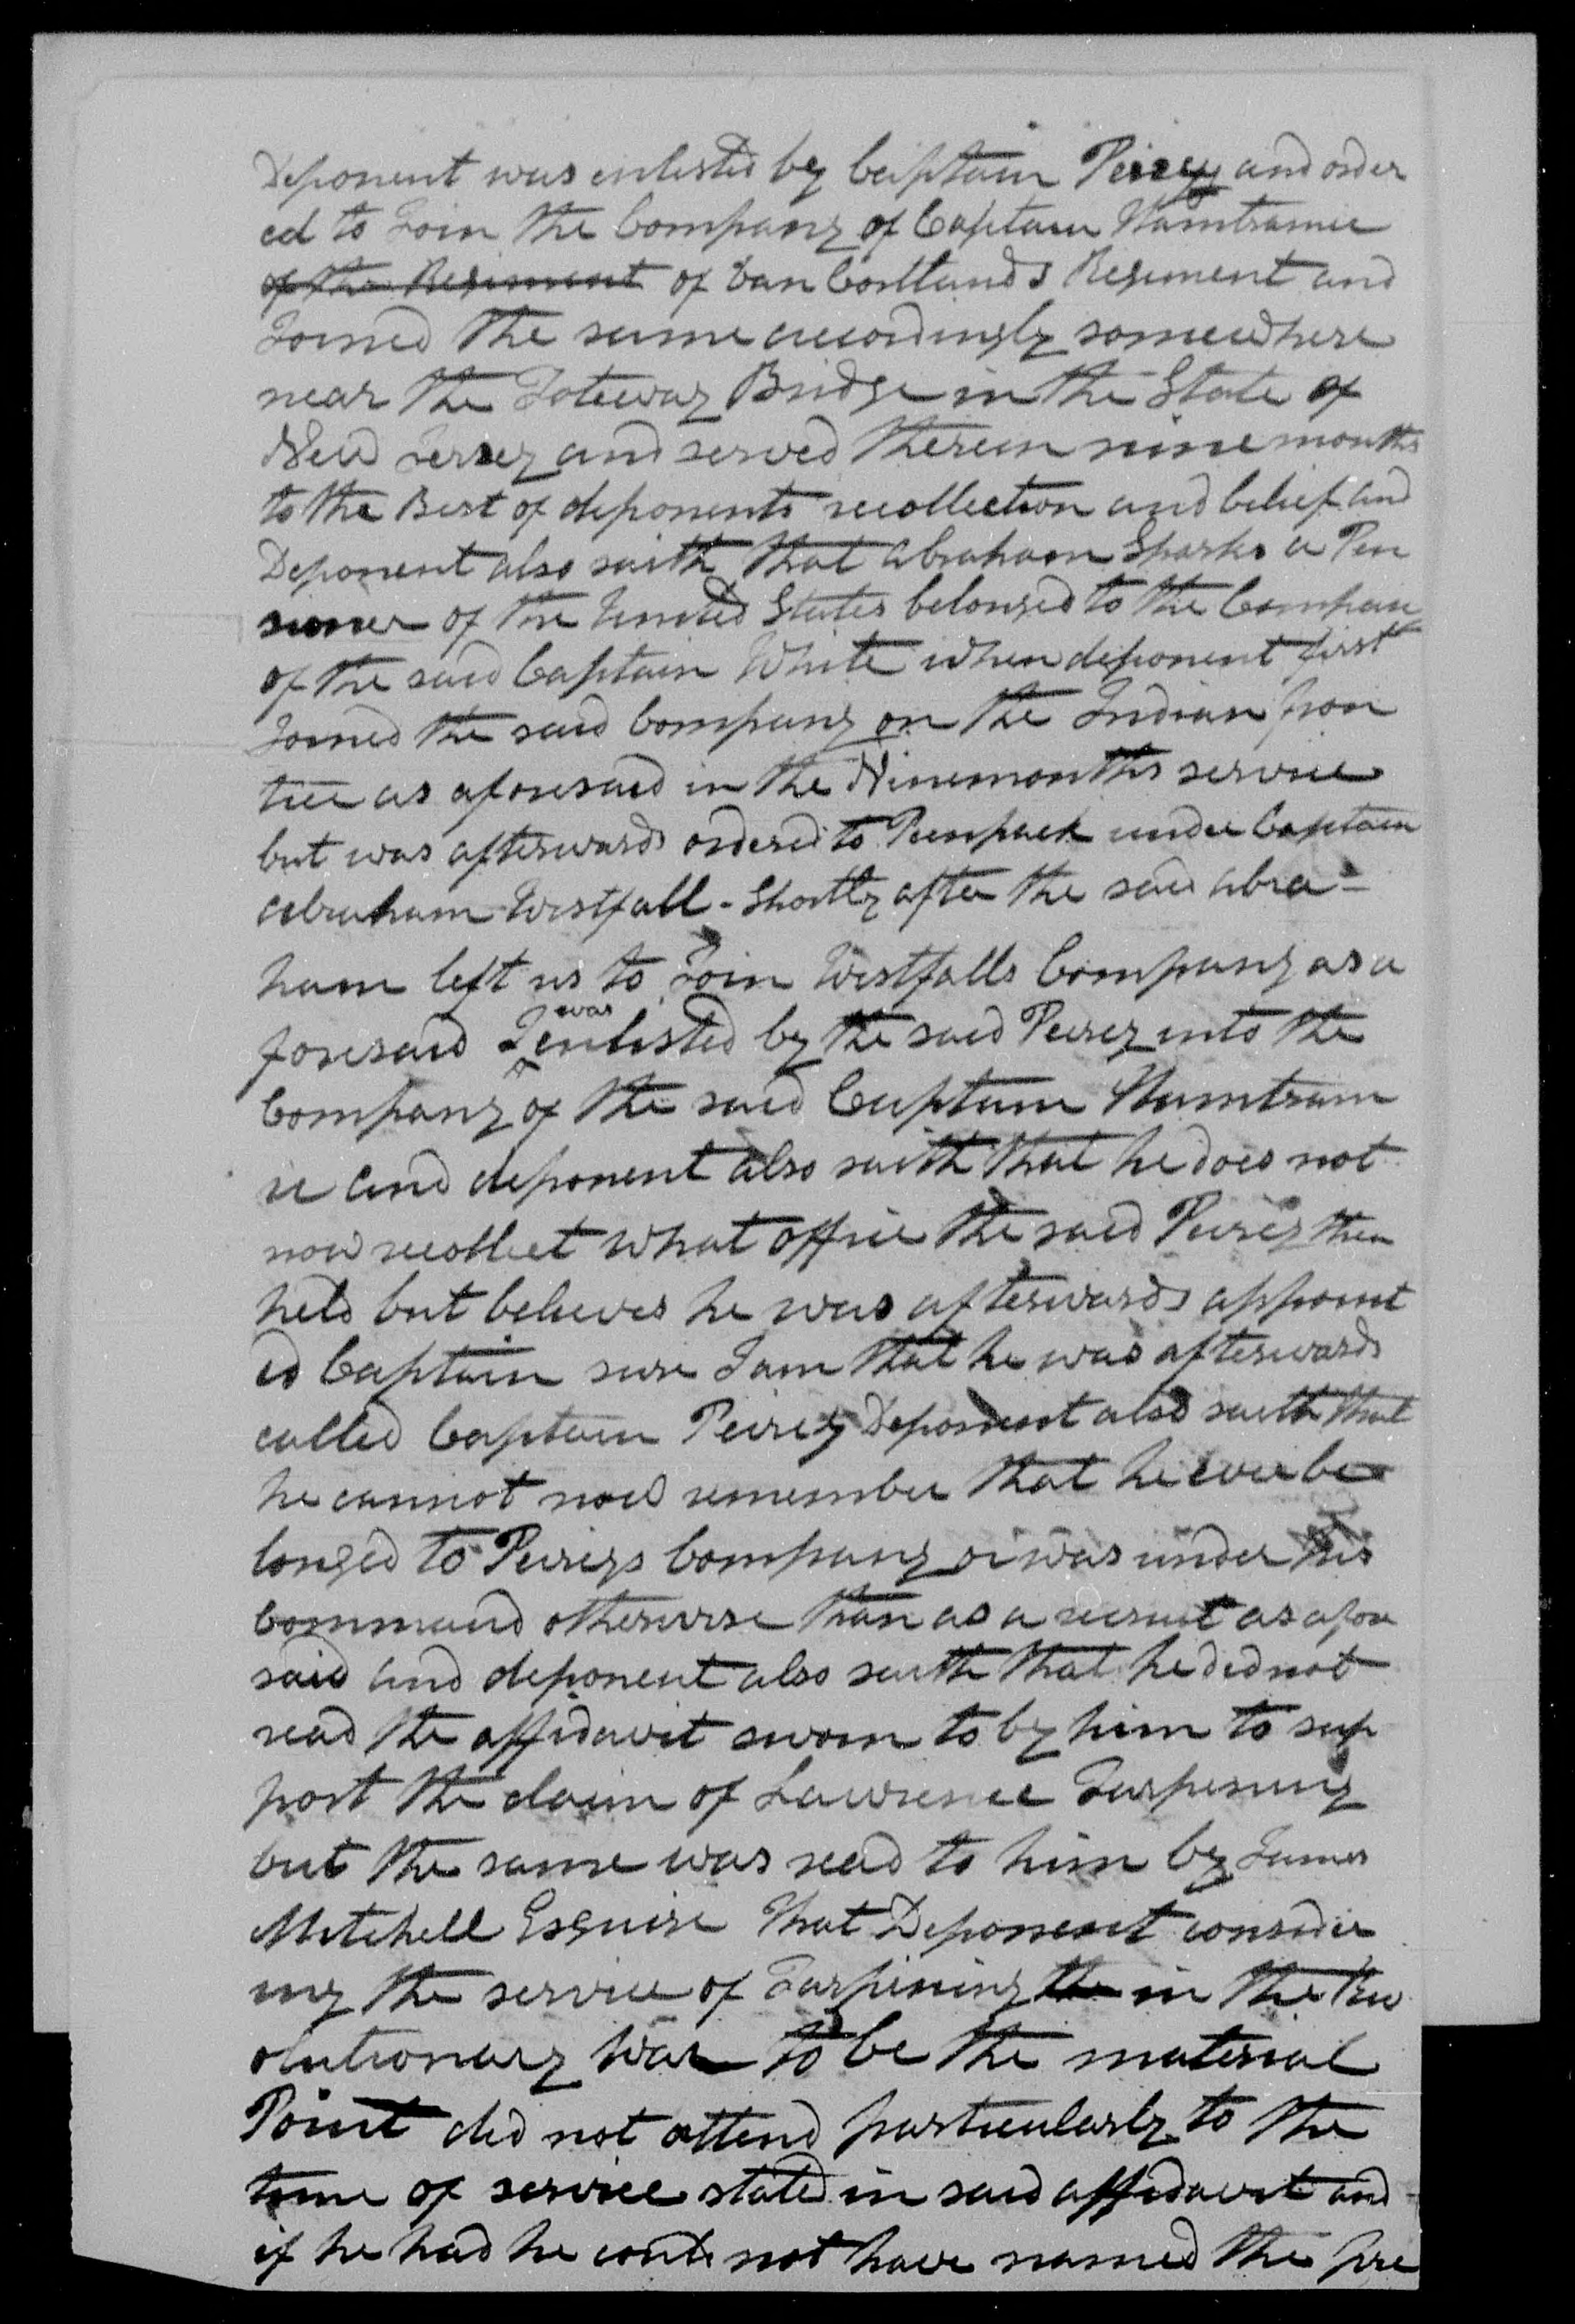deponent was enlisted by Captain Perry and ordered to join the Company of Captain Hamtramic  of Van Cortlands Regiment and
formed the same accordingly some where
near the Toteway Bridge in the State of
New Jersey and served therein nine months
to the Best of deponents recollection and belief and
Deponent also saith that Abraham Sparks a Pensioner of the United States belonged to the Company
of the said Captain White when deponent first
Joined the said Company on the Indian frontier as aforesaid in the nine months service
but was afterwards ordered to [illegible] under Captain
Abrham Westfall, shortly after the said Abraham left us to Join Westfalls Company as a
foresaid enlisted by the said Persey into the
Company of the said Captum Huntramand
deponent also saith that he does not
now recollect what office the said pieces then
held but believes he was afterwards appoint
Captain sure I am that he was afterwards
called Captain Percy deponent also saith that
he cannot now remember that he ever
longed to Percys Company or was under this
command otherwise than as a recent as aforesaid and deponent also saith that he did not
read the affidavit sworn to by him to support the claim of Lawrence [illegible]
but the same was read to him by James
Mitchell Esquire That Deponent consider
my the service of considering in the 
revolutionary war to be the material
Point did not attend particularly to the
time of service stated in said affidavit and
if he had he cant not have named the pre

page: 13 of 64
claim: survivor's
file: S. 42,464, for William Terwilliger, New York